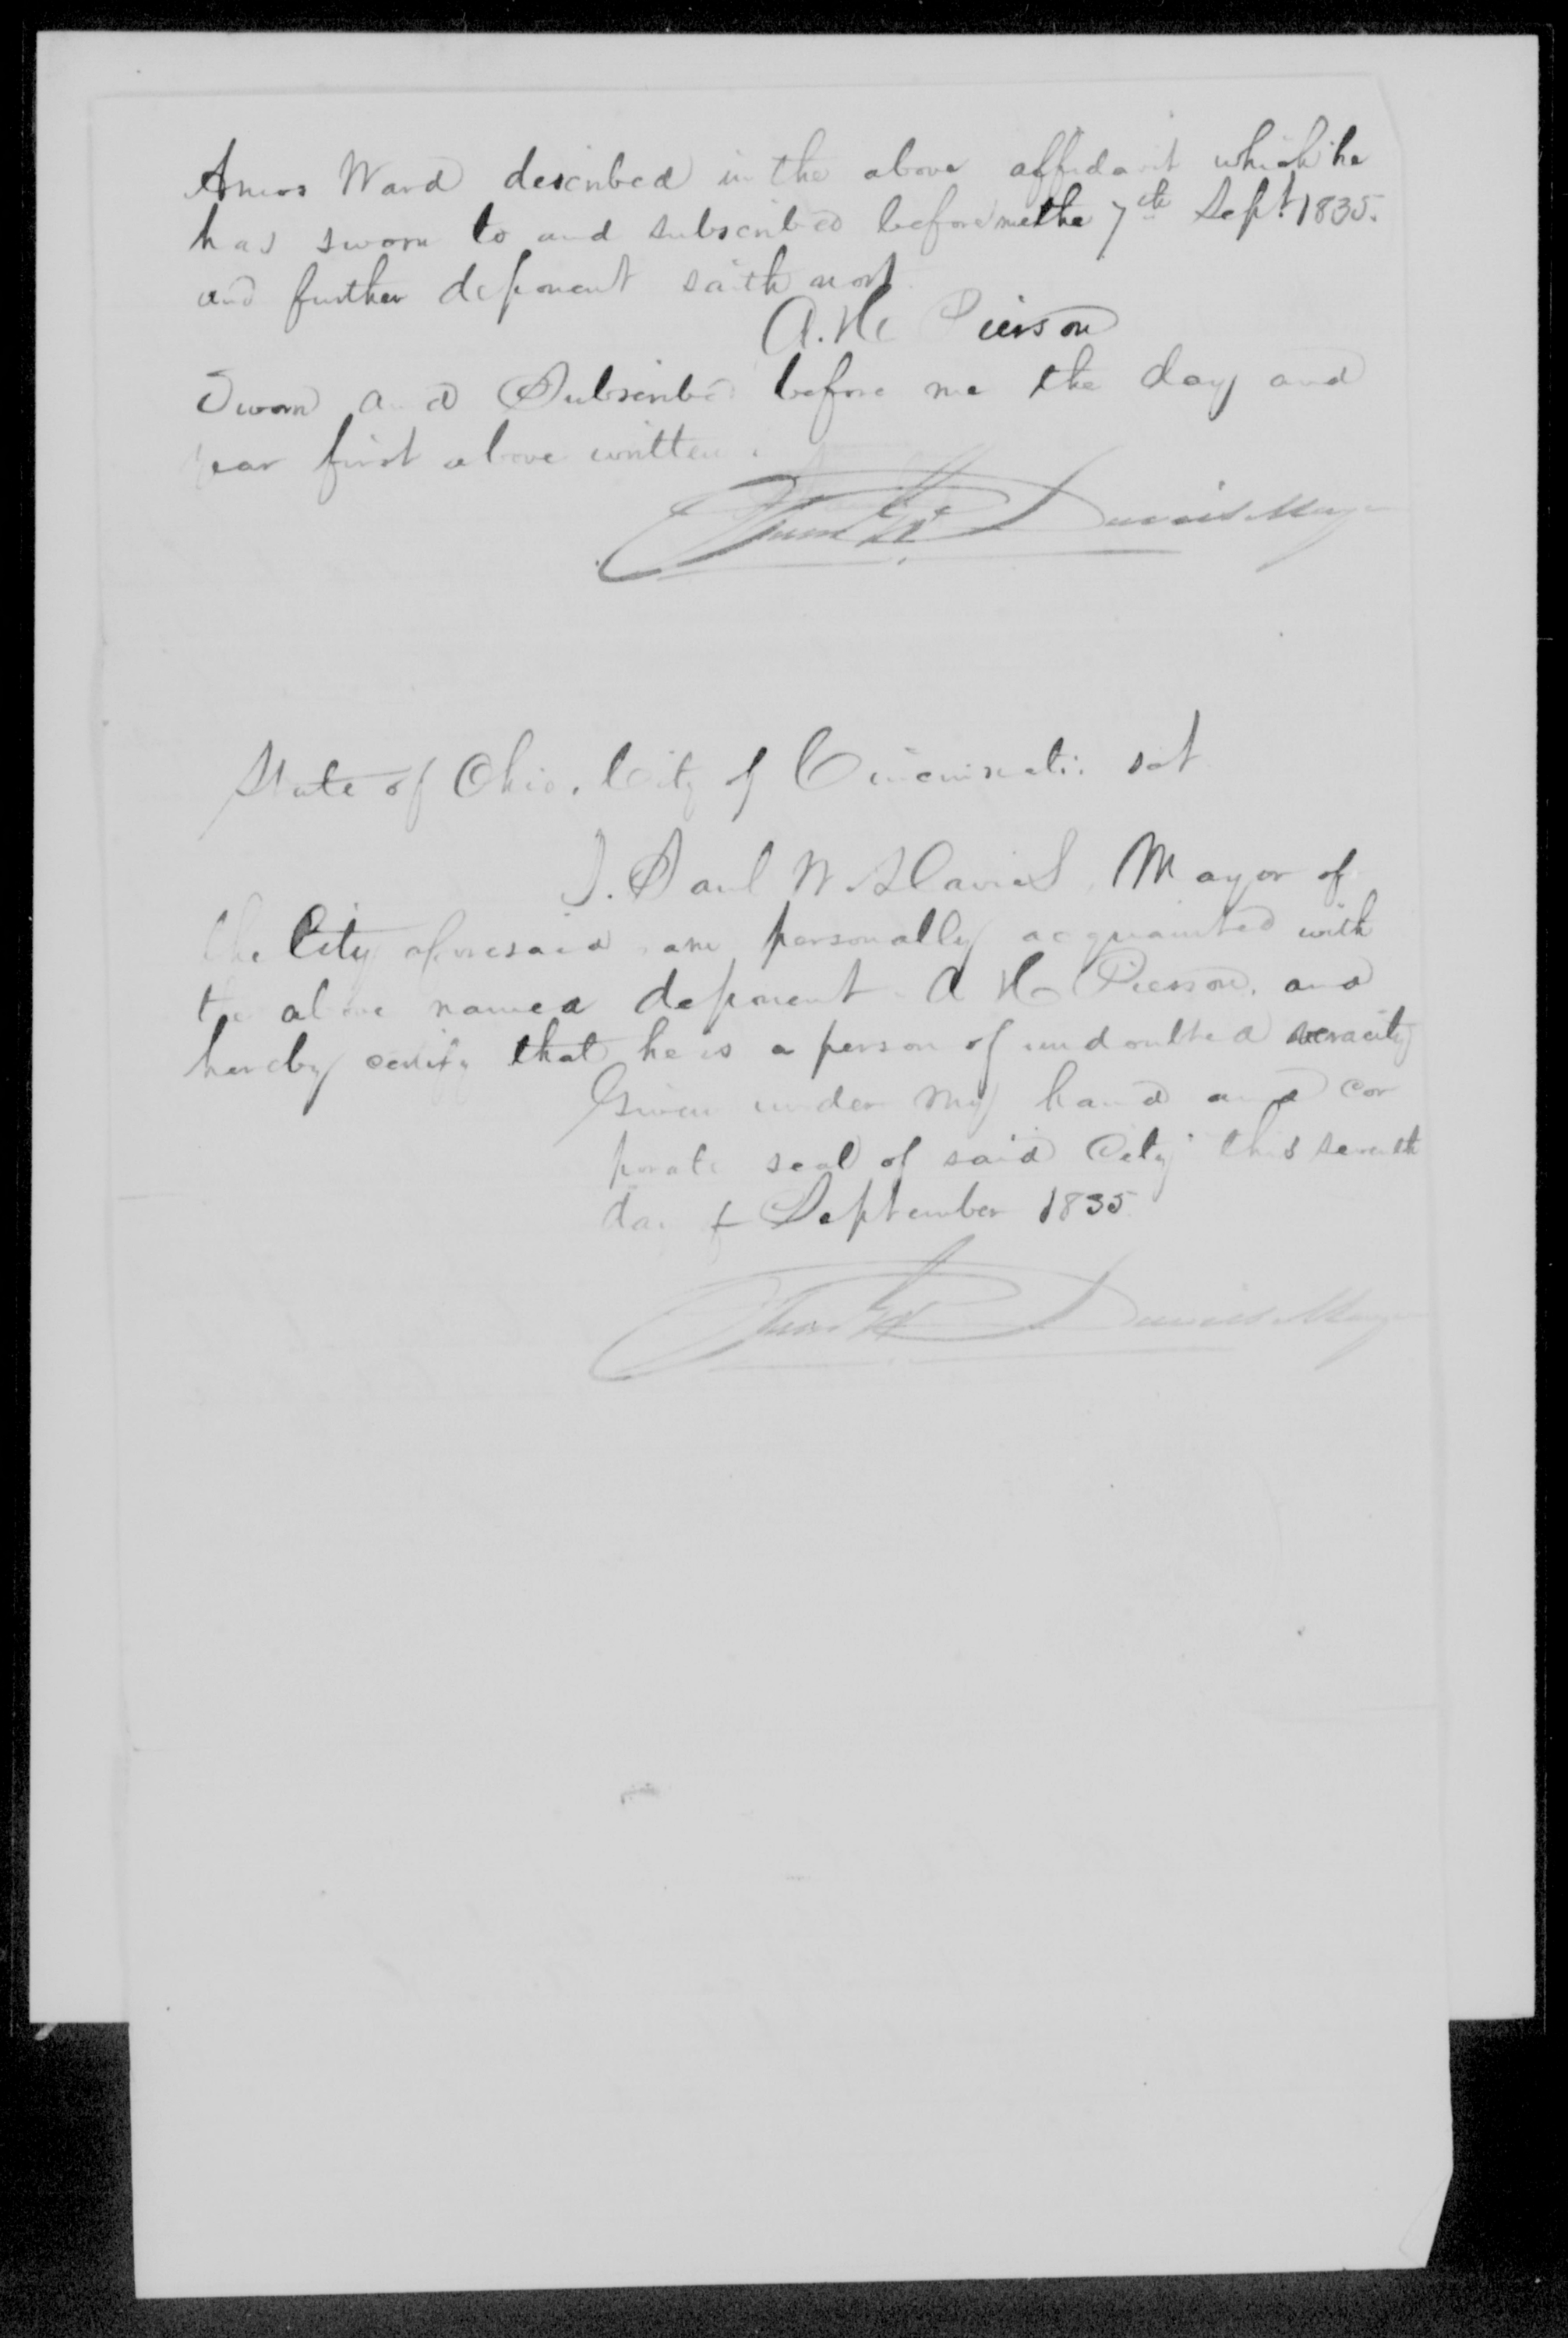Amos Ward described in the above affidavit which he has sworn to and subscribed before me the 7th Sept 1835. and further deponent saith not. 
A. H. Pierson 
Sworn and Subscribed before me the day and year first above written. 
Saml W. Davies Mayor 

State of Ohio. City of Cincinnati sct
I. Saml W DavieS, Mayor of the City aforesaid, am personally acquainted with above named deponent A H Pierson, and hereby certify that he is a person of undoubted veracity 
Given under my hand and corporate seal of said City this seventh day of September 1835. 
Saml W Davies Mayor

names: A H Pierson, Saml W Davies, Amos Ward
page: 14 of 18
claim: survivor's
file: S. 4718, Amos Ward, New Jersey